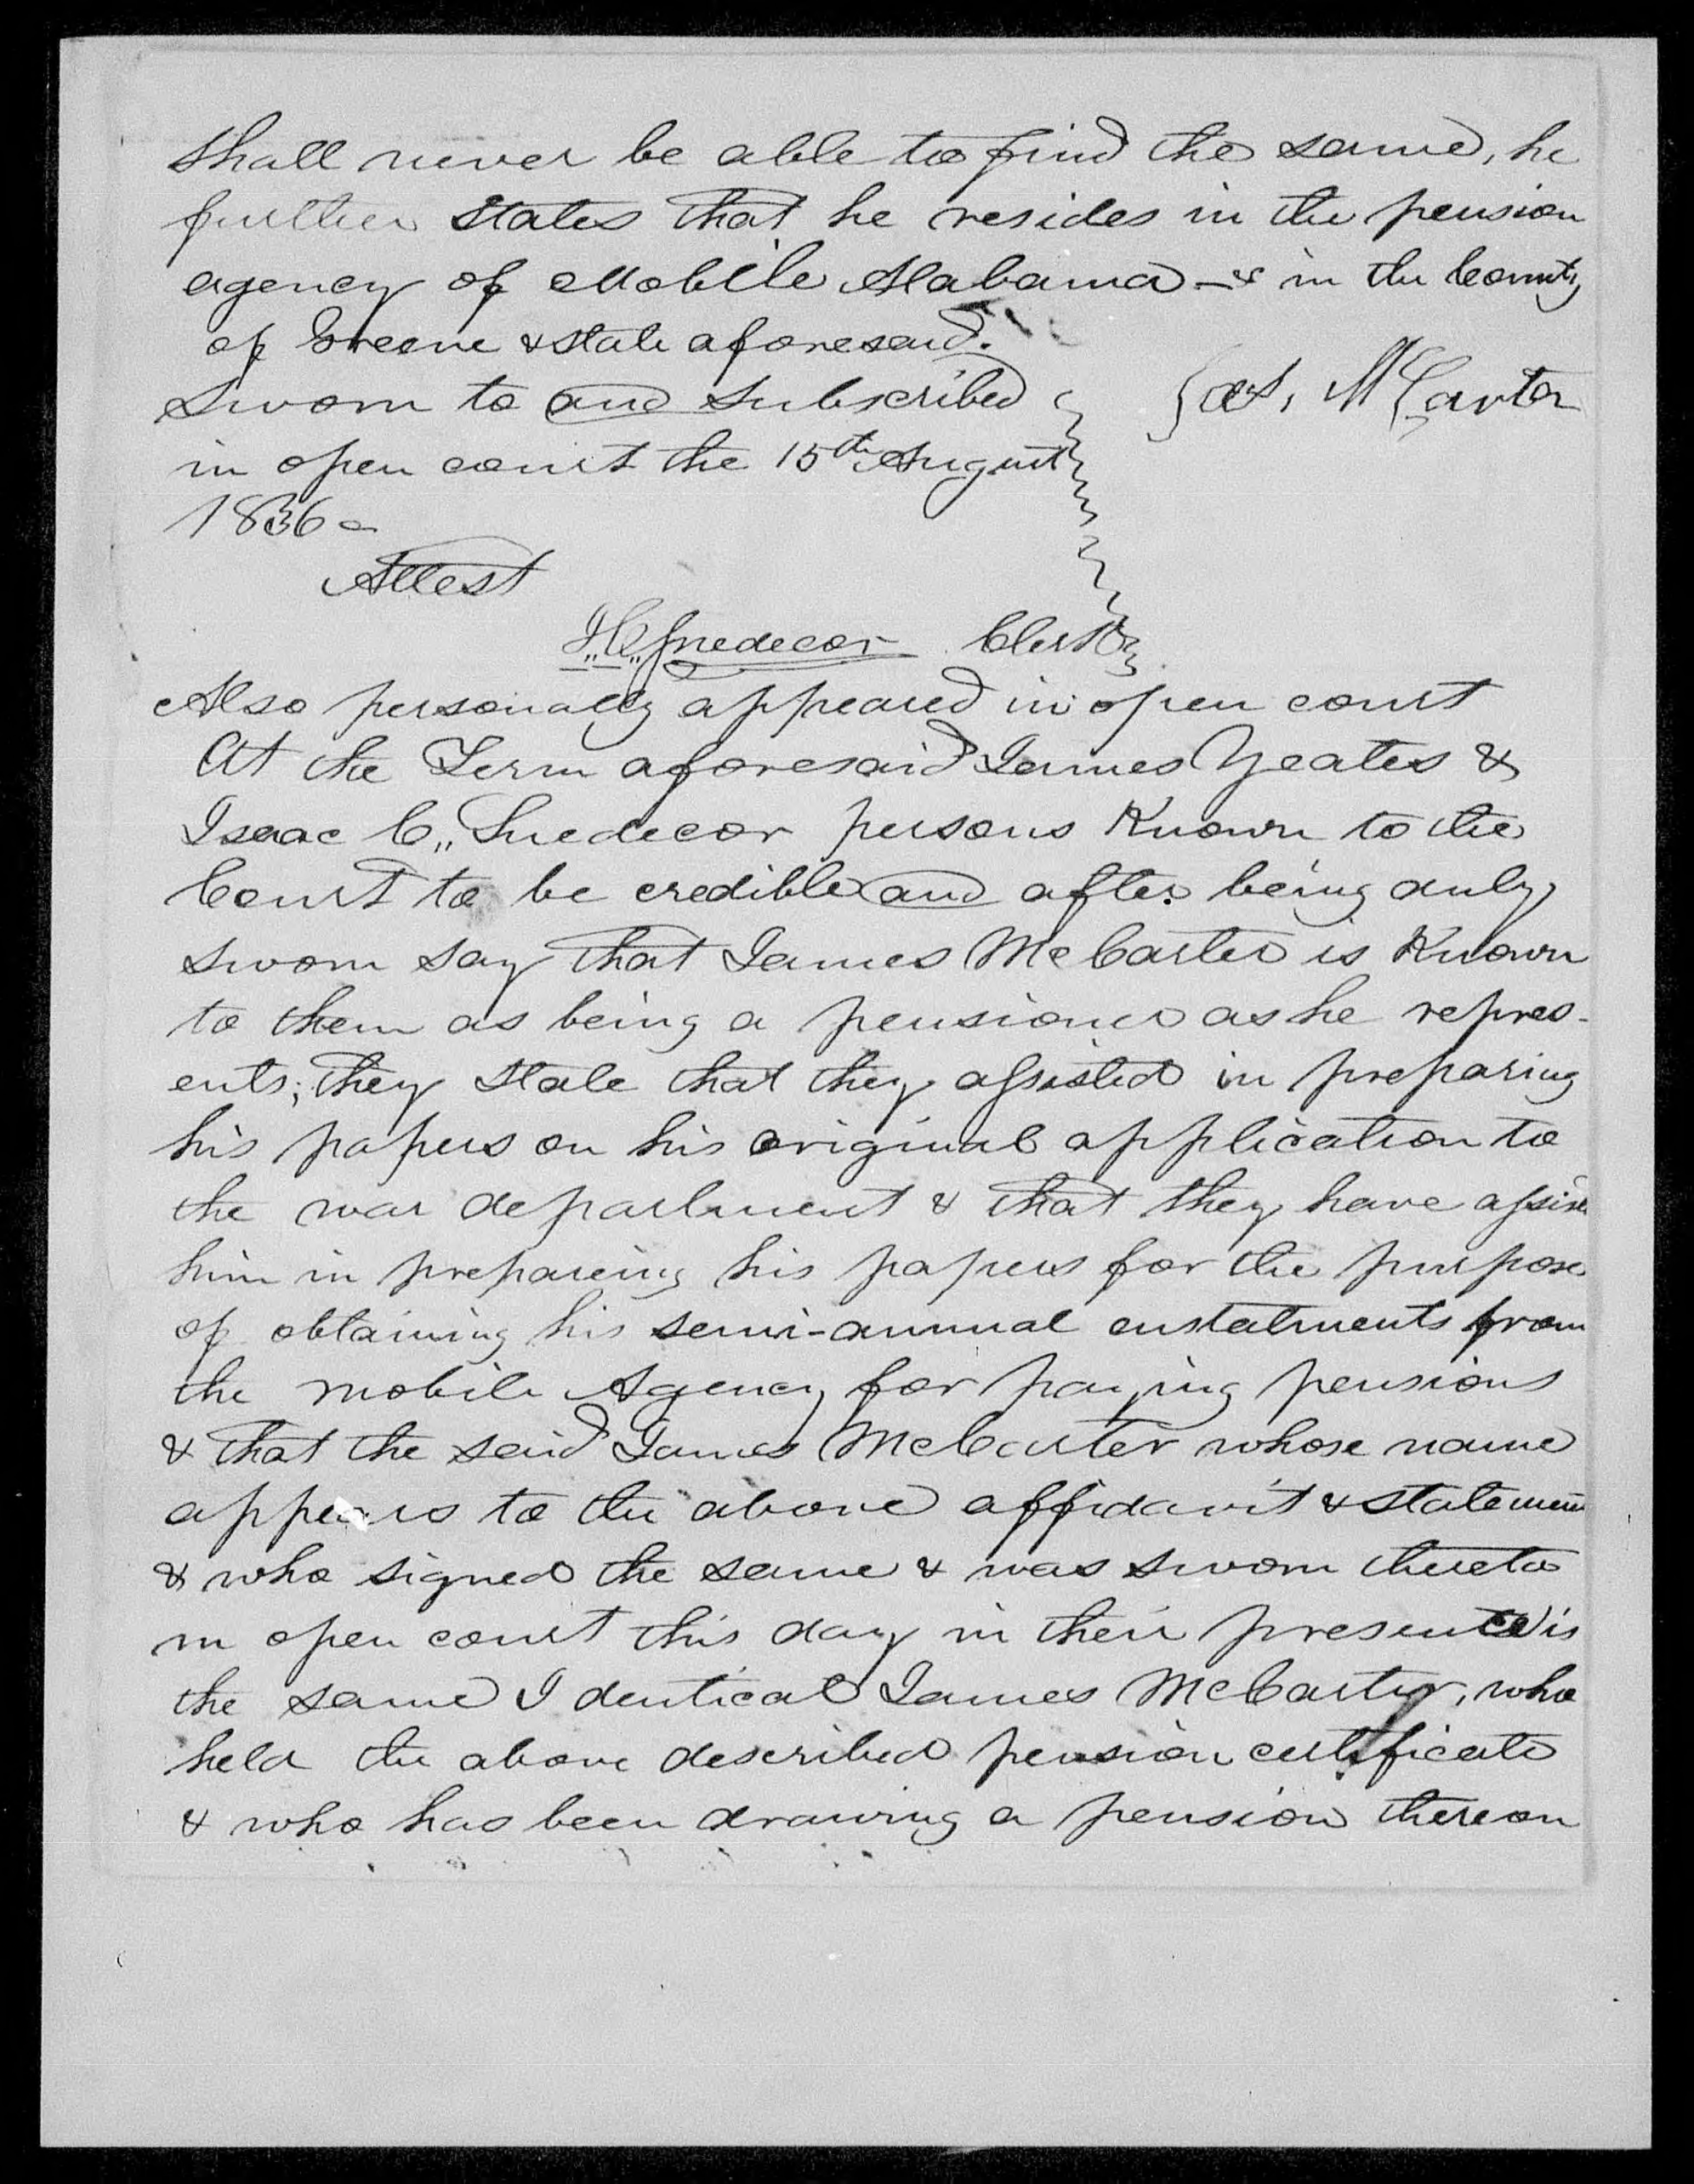shall never be able to find the same, he
further states that he resides in the pension
agency of Mobile Alabama & in the County
of Greene & State aforesaid.
Jas. McCarter

Sworn to and subscribed in open court the 15th August 1836 -
Attest
J. C.  [illegible] Clerk

Also personally appeared in open court At the Term aforesaid James Yeates & Isaac C. Suedecor  persons known to the Court to be credible and after being duly Sworn say that James McCarter is known to them as being a pensioner as he represents, they state that they assisted in preparing his papers on his original application to the war department & that they have assisted him in preparing his papers for the purpose of obtaining his semi-annual instalments from the Mobile Agency for paying pensions & that the said James McCarter whose name appears to the above affidavit & statement & who signed the same & was sworn thereto in open court this day in their presents is the same Identical James McCarter, who held the above described pension certificate & who has been drawing a pension thereon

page: 31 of 45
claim: survivor's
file: S. 13,890, for James Mc Carter, South Carolina